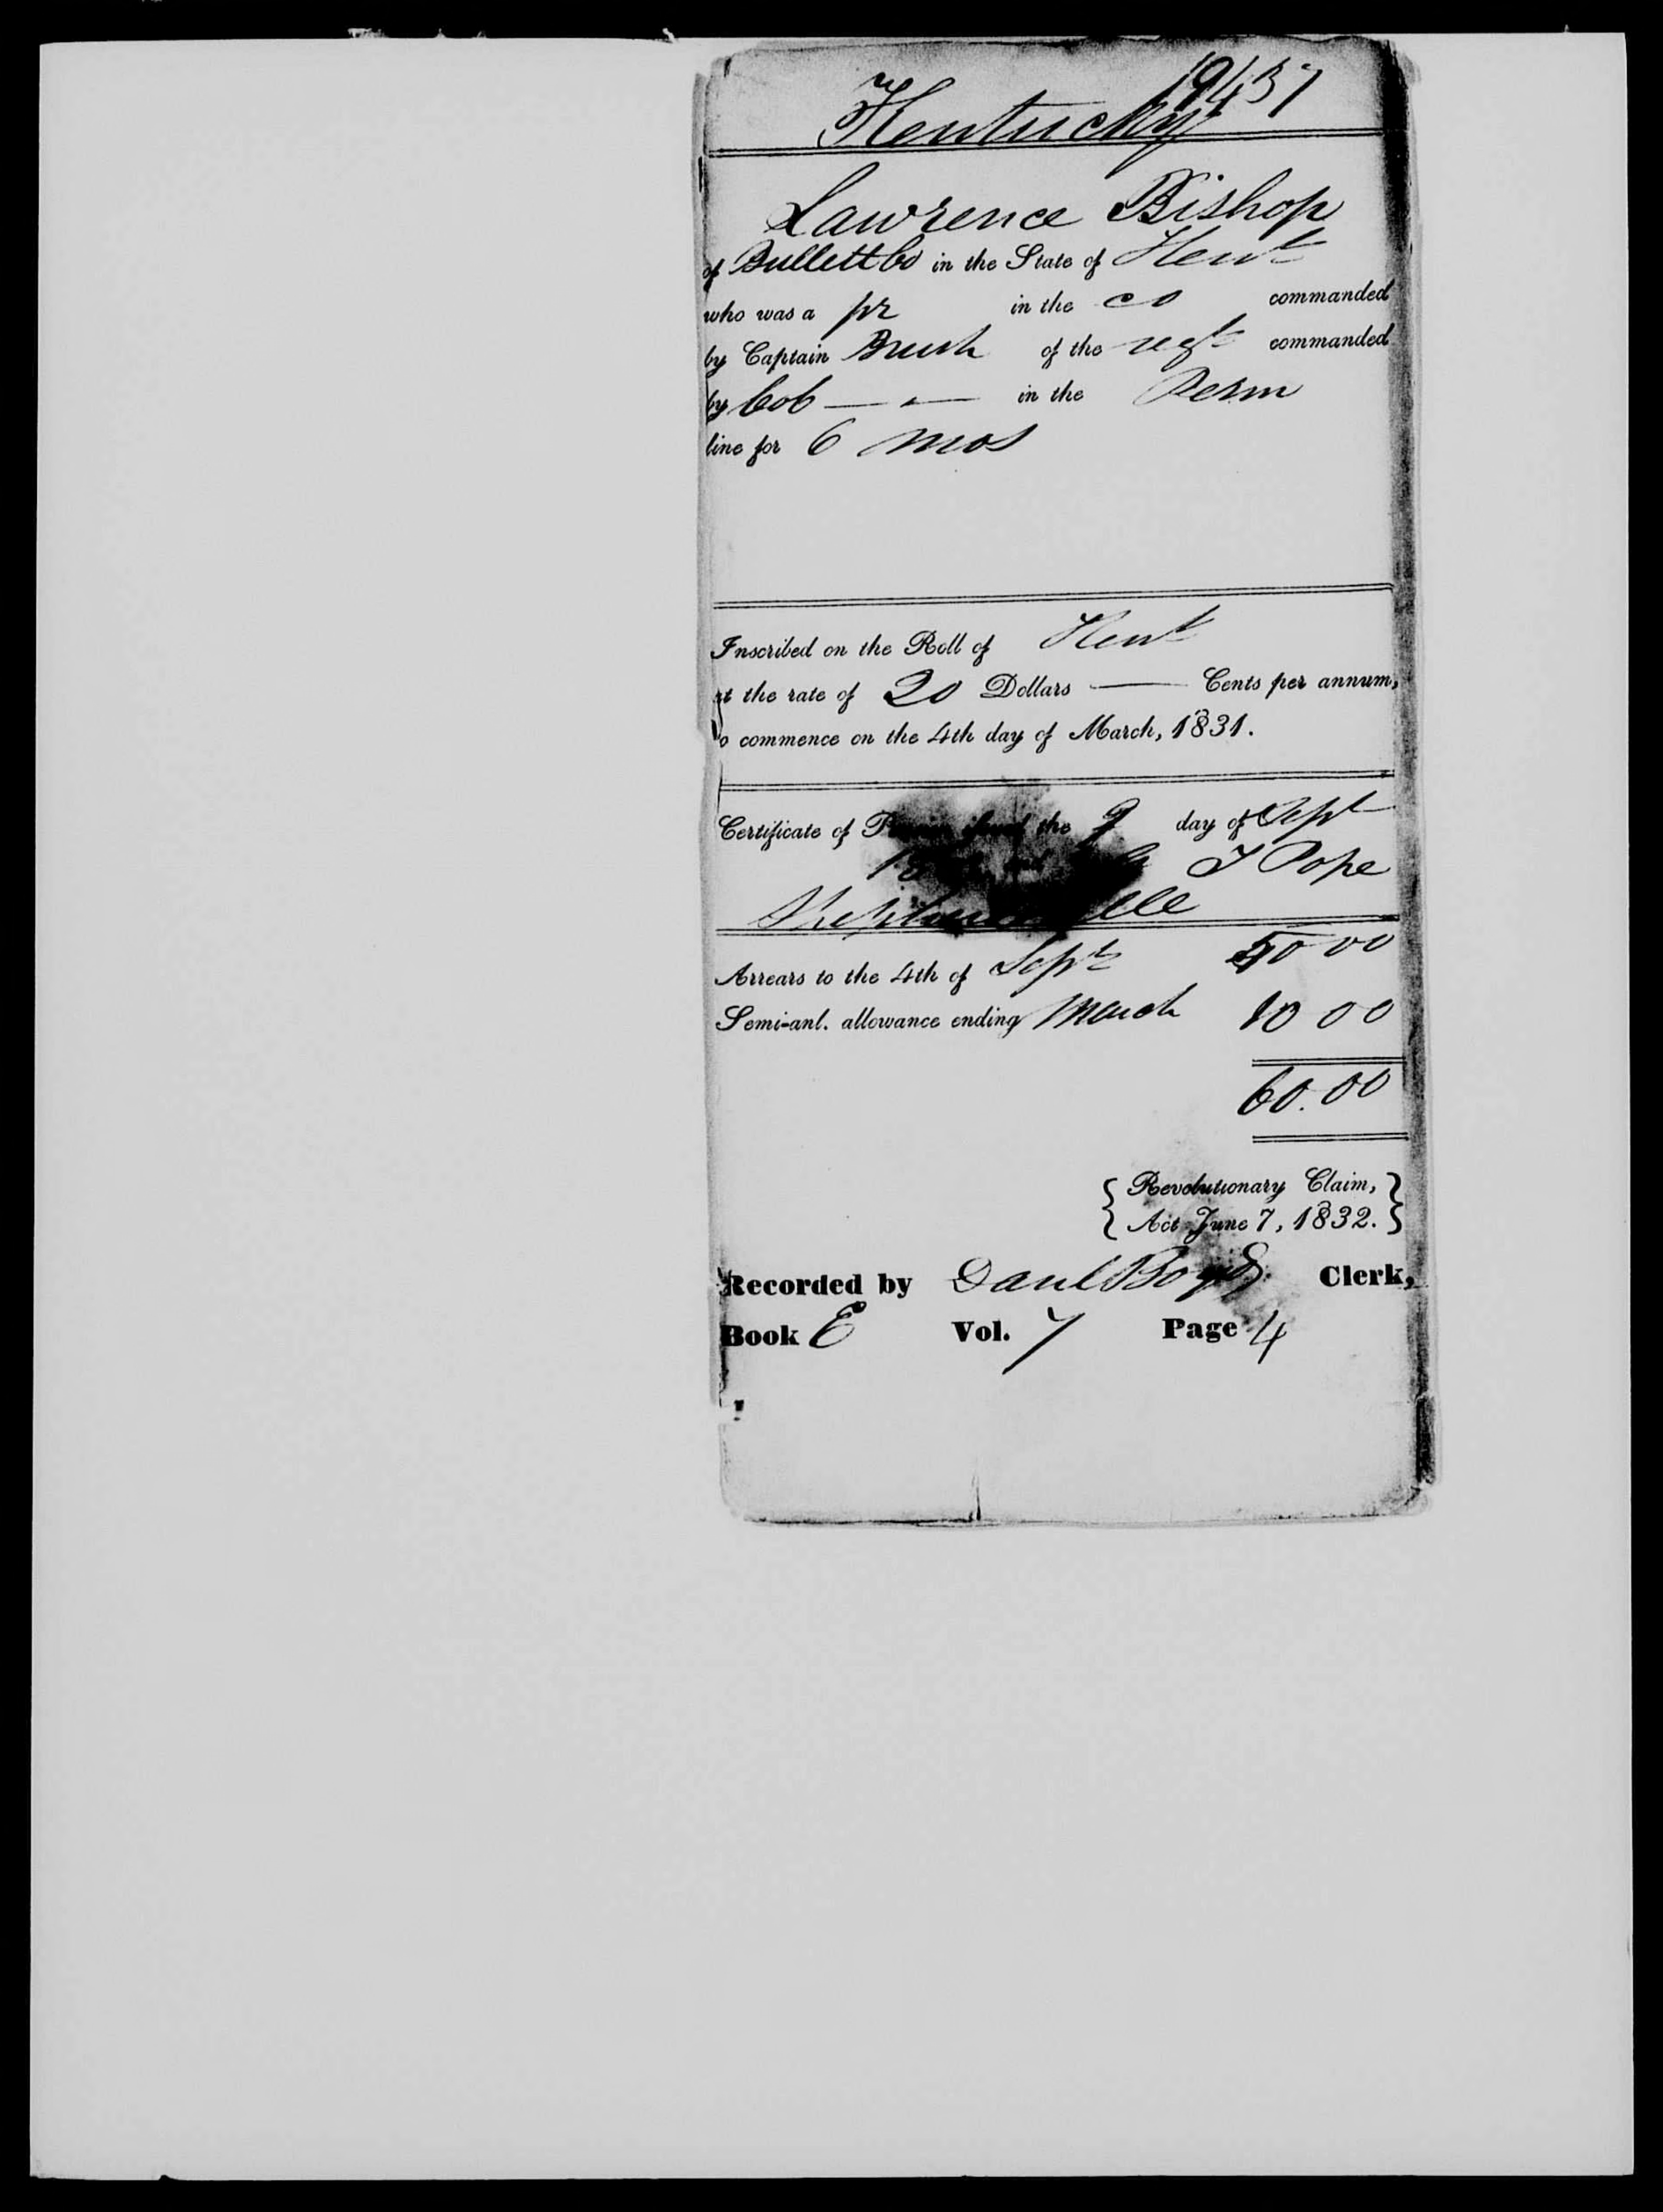Kentucky 19437  
Lawrence Bishop 
of Bullett Co in the State of Kent who was a pr in the Co commanded by Captain Brush of the regt commanded by Col - in the Penn   line for 6 mos 
Inscribed on the Roll of Kent at the rate of 20 Dollars - Cents per annum to commence on the 4th day of March, 1831. 
Certificate of Pension issued the 9 Sept and sent to G. T. Pope Shepherdsville
Arrears to the 4th of Sept  50.00
Semi-anl. allowance ending March   10.00   
60.00
{Revolutionary Claim, Act June 7, 1832.}
Recorded by Danl Boyd   Clerk  
Book   E   Vol.  7   Page 4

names: Danl Boyd, Lawrence Bishop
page: 2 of 26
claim: survivor's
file: S.1,166, Lawrence Bishop, Penn.